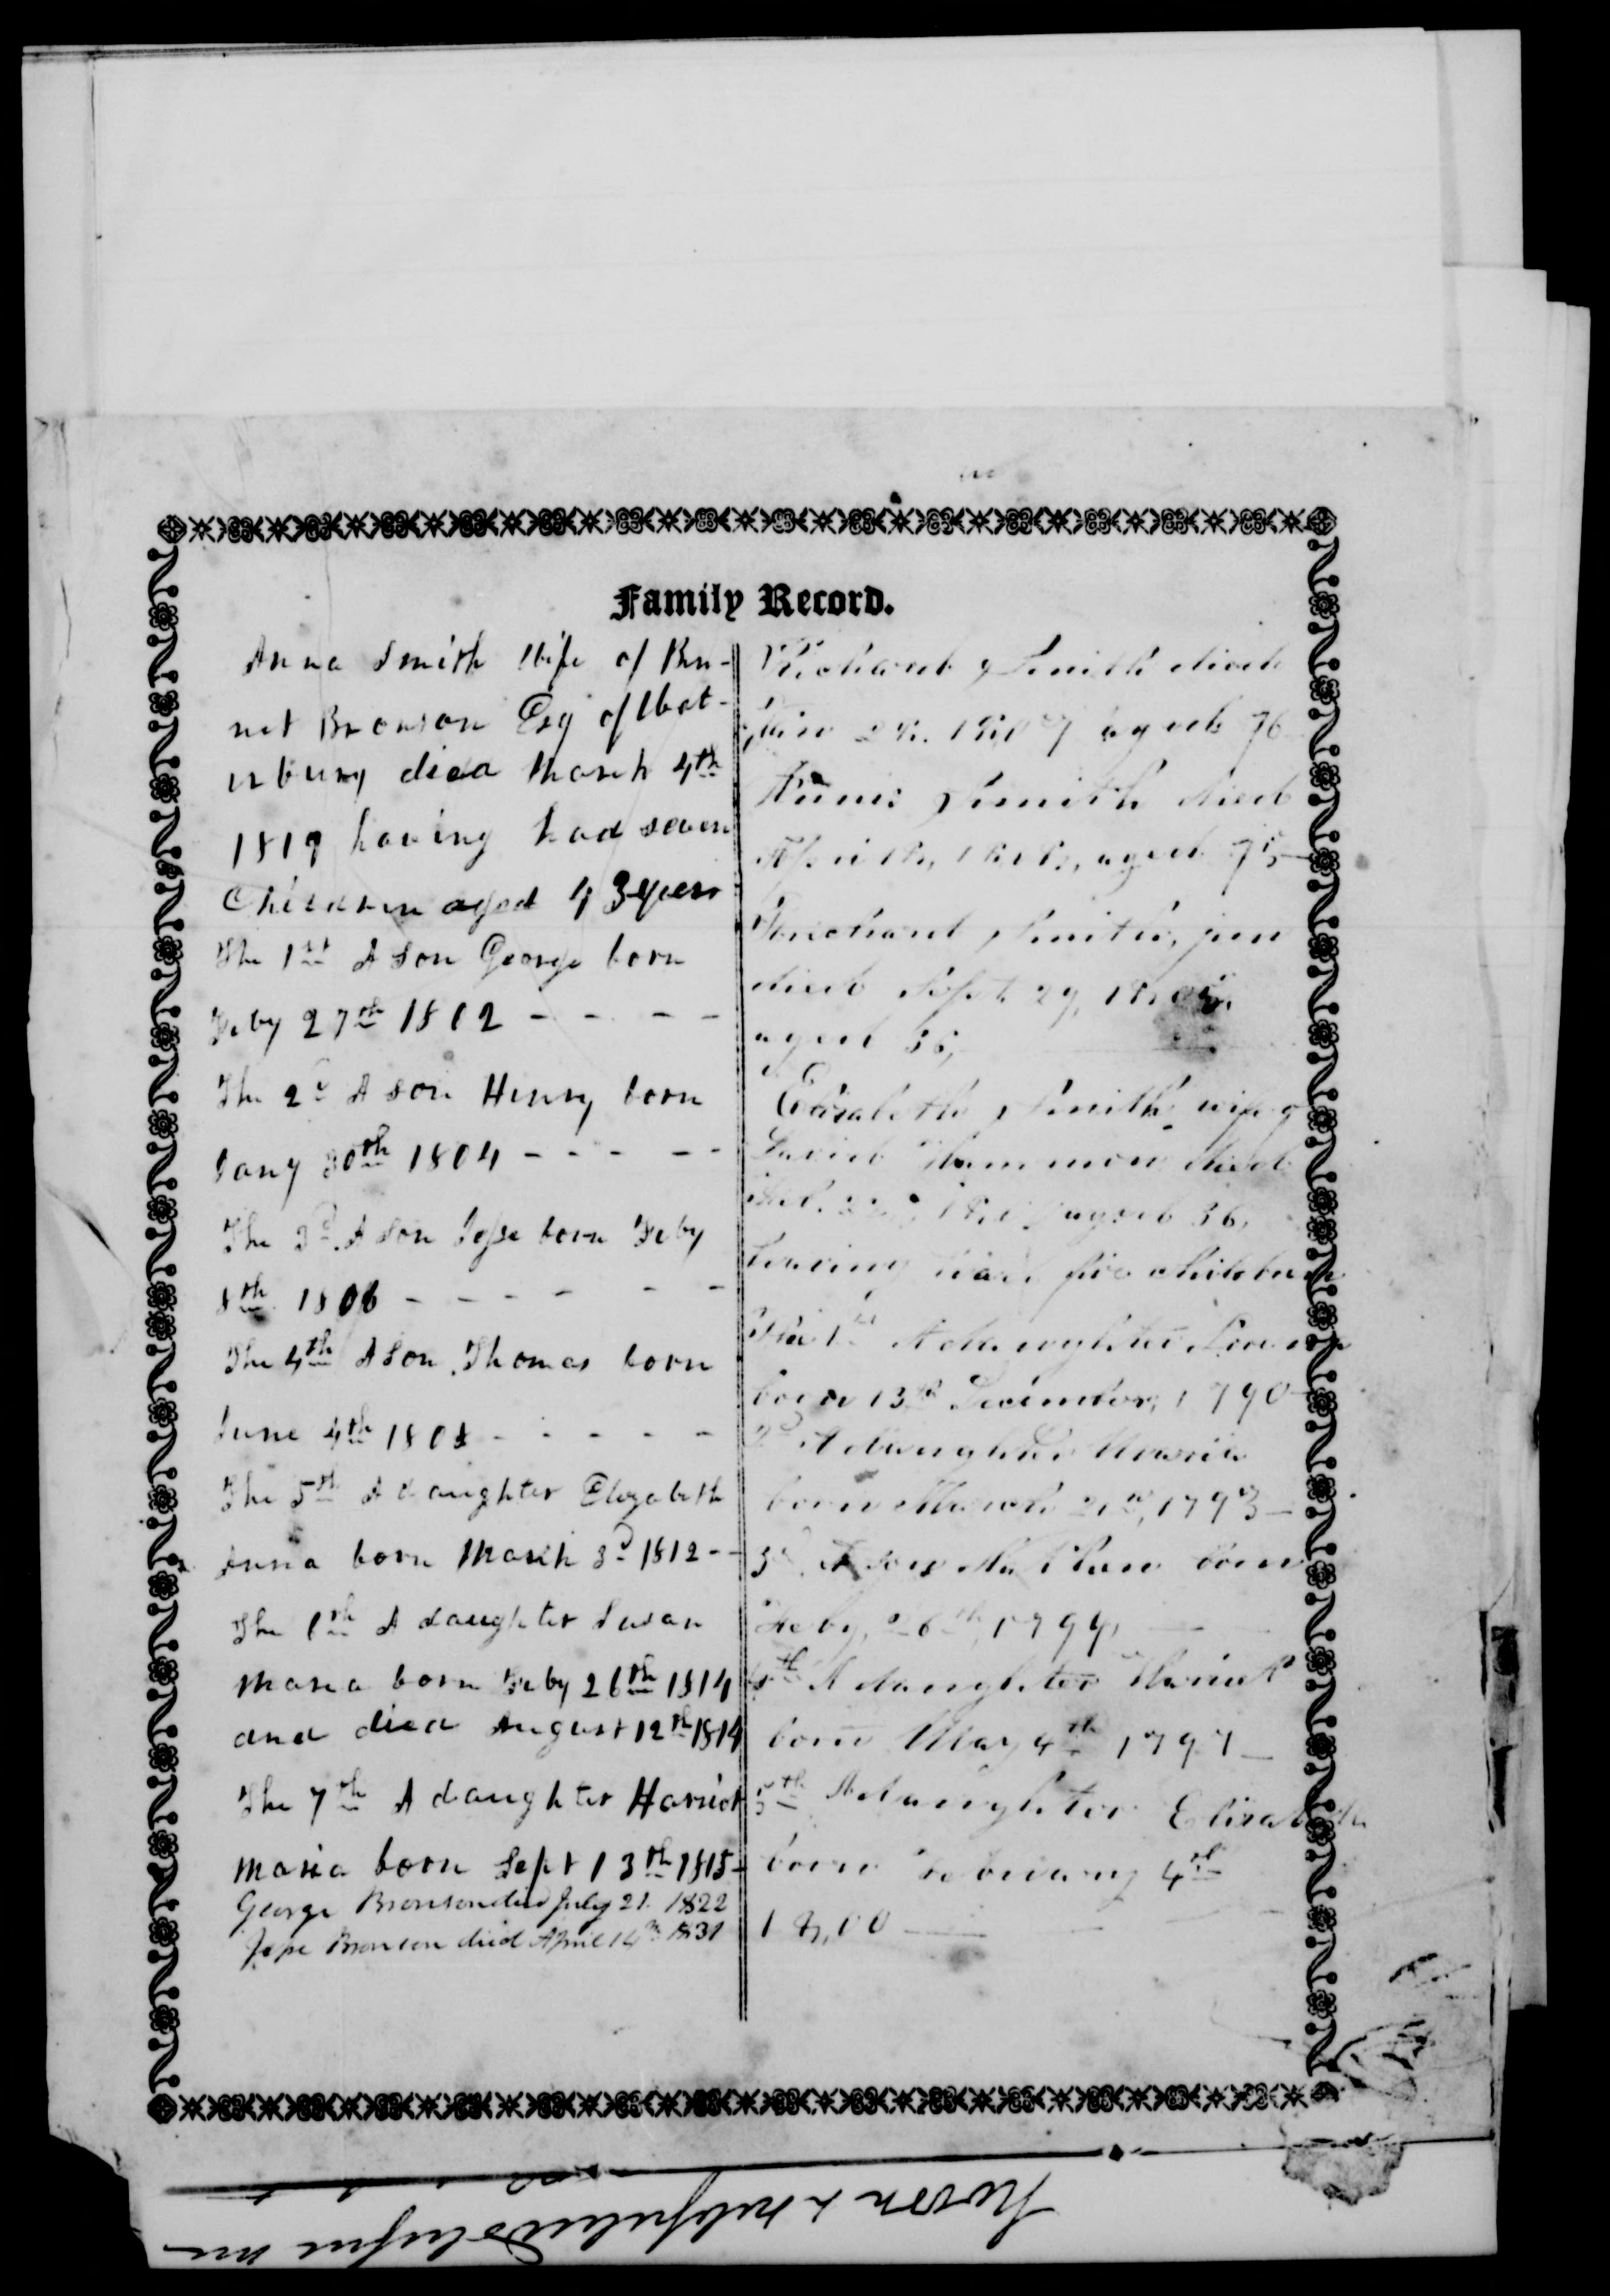Family Record
Anna Smith wife of Bennet Bronson Esq of Waterbury died March 4th 1819 having had seven children aged 43 years.
The 1st a son George born Feb6 27th 1802
The 2d a son Henry born Jany 30th 1804
The 3d a son Jesse born Feby 8th 1806
The 4th a son Thomas born June 4th 1808
The 5th a daughter Elizabeth Anna born march 3 1812
The 6th a daughter Susan Maria born Feby 26th 1814 and died August 12th 1814
The 7th a daughter Harriet Maria born Sept 13th 1815
George Bronson died July 21 1822
Jesse Bronson died April 14th 1831
Richard Smith died June 27th 1809, aged 76
Anna Smith died April 18 1818, aged 75
Richard Smith Junr died Sept 29, 1831, aged 36
Elizabeth Smith wife of Daniel Sheldon Smith died Feb [unreadable] aged 36
having had five children
1st child a daughter Loren born 13th December 1790
2nd a daughter Mowreta born March 21st 1793
3d a son Nathan born Feby 26th 1794
4th a daughter Harriet born Mar 4th 1797
5th a daughter Elizabeth born February 4th 1800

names: Richard Smith; Dennis Smith; Susan Maria [BLANK]; Thomas [BLANK]; George [BLANK]; Nathen [BLANK]; George Bronson; Elizabeth Smith; Richard Smith; Jesse Bronson; Elizabeth Anna [BLANK]; Jesse [BLANK]; Harriet Maria [BLANK]; Mowria [BLANK]; Henry [BLANK]; Bennet Bronson; Elizabeth [BLANK]; Anna Smith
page: 13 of 55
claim: widow's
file: W. 11480, for Phinehas Smith, Connecticut